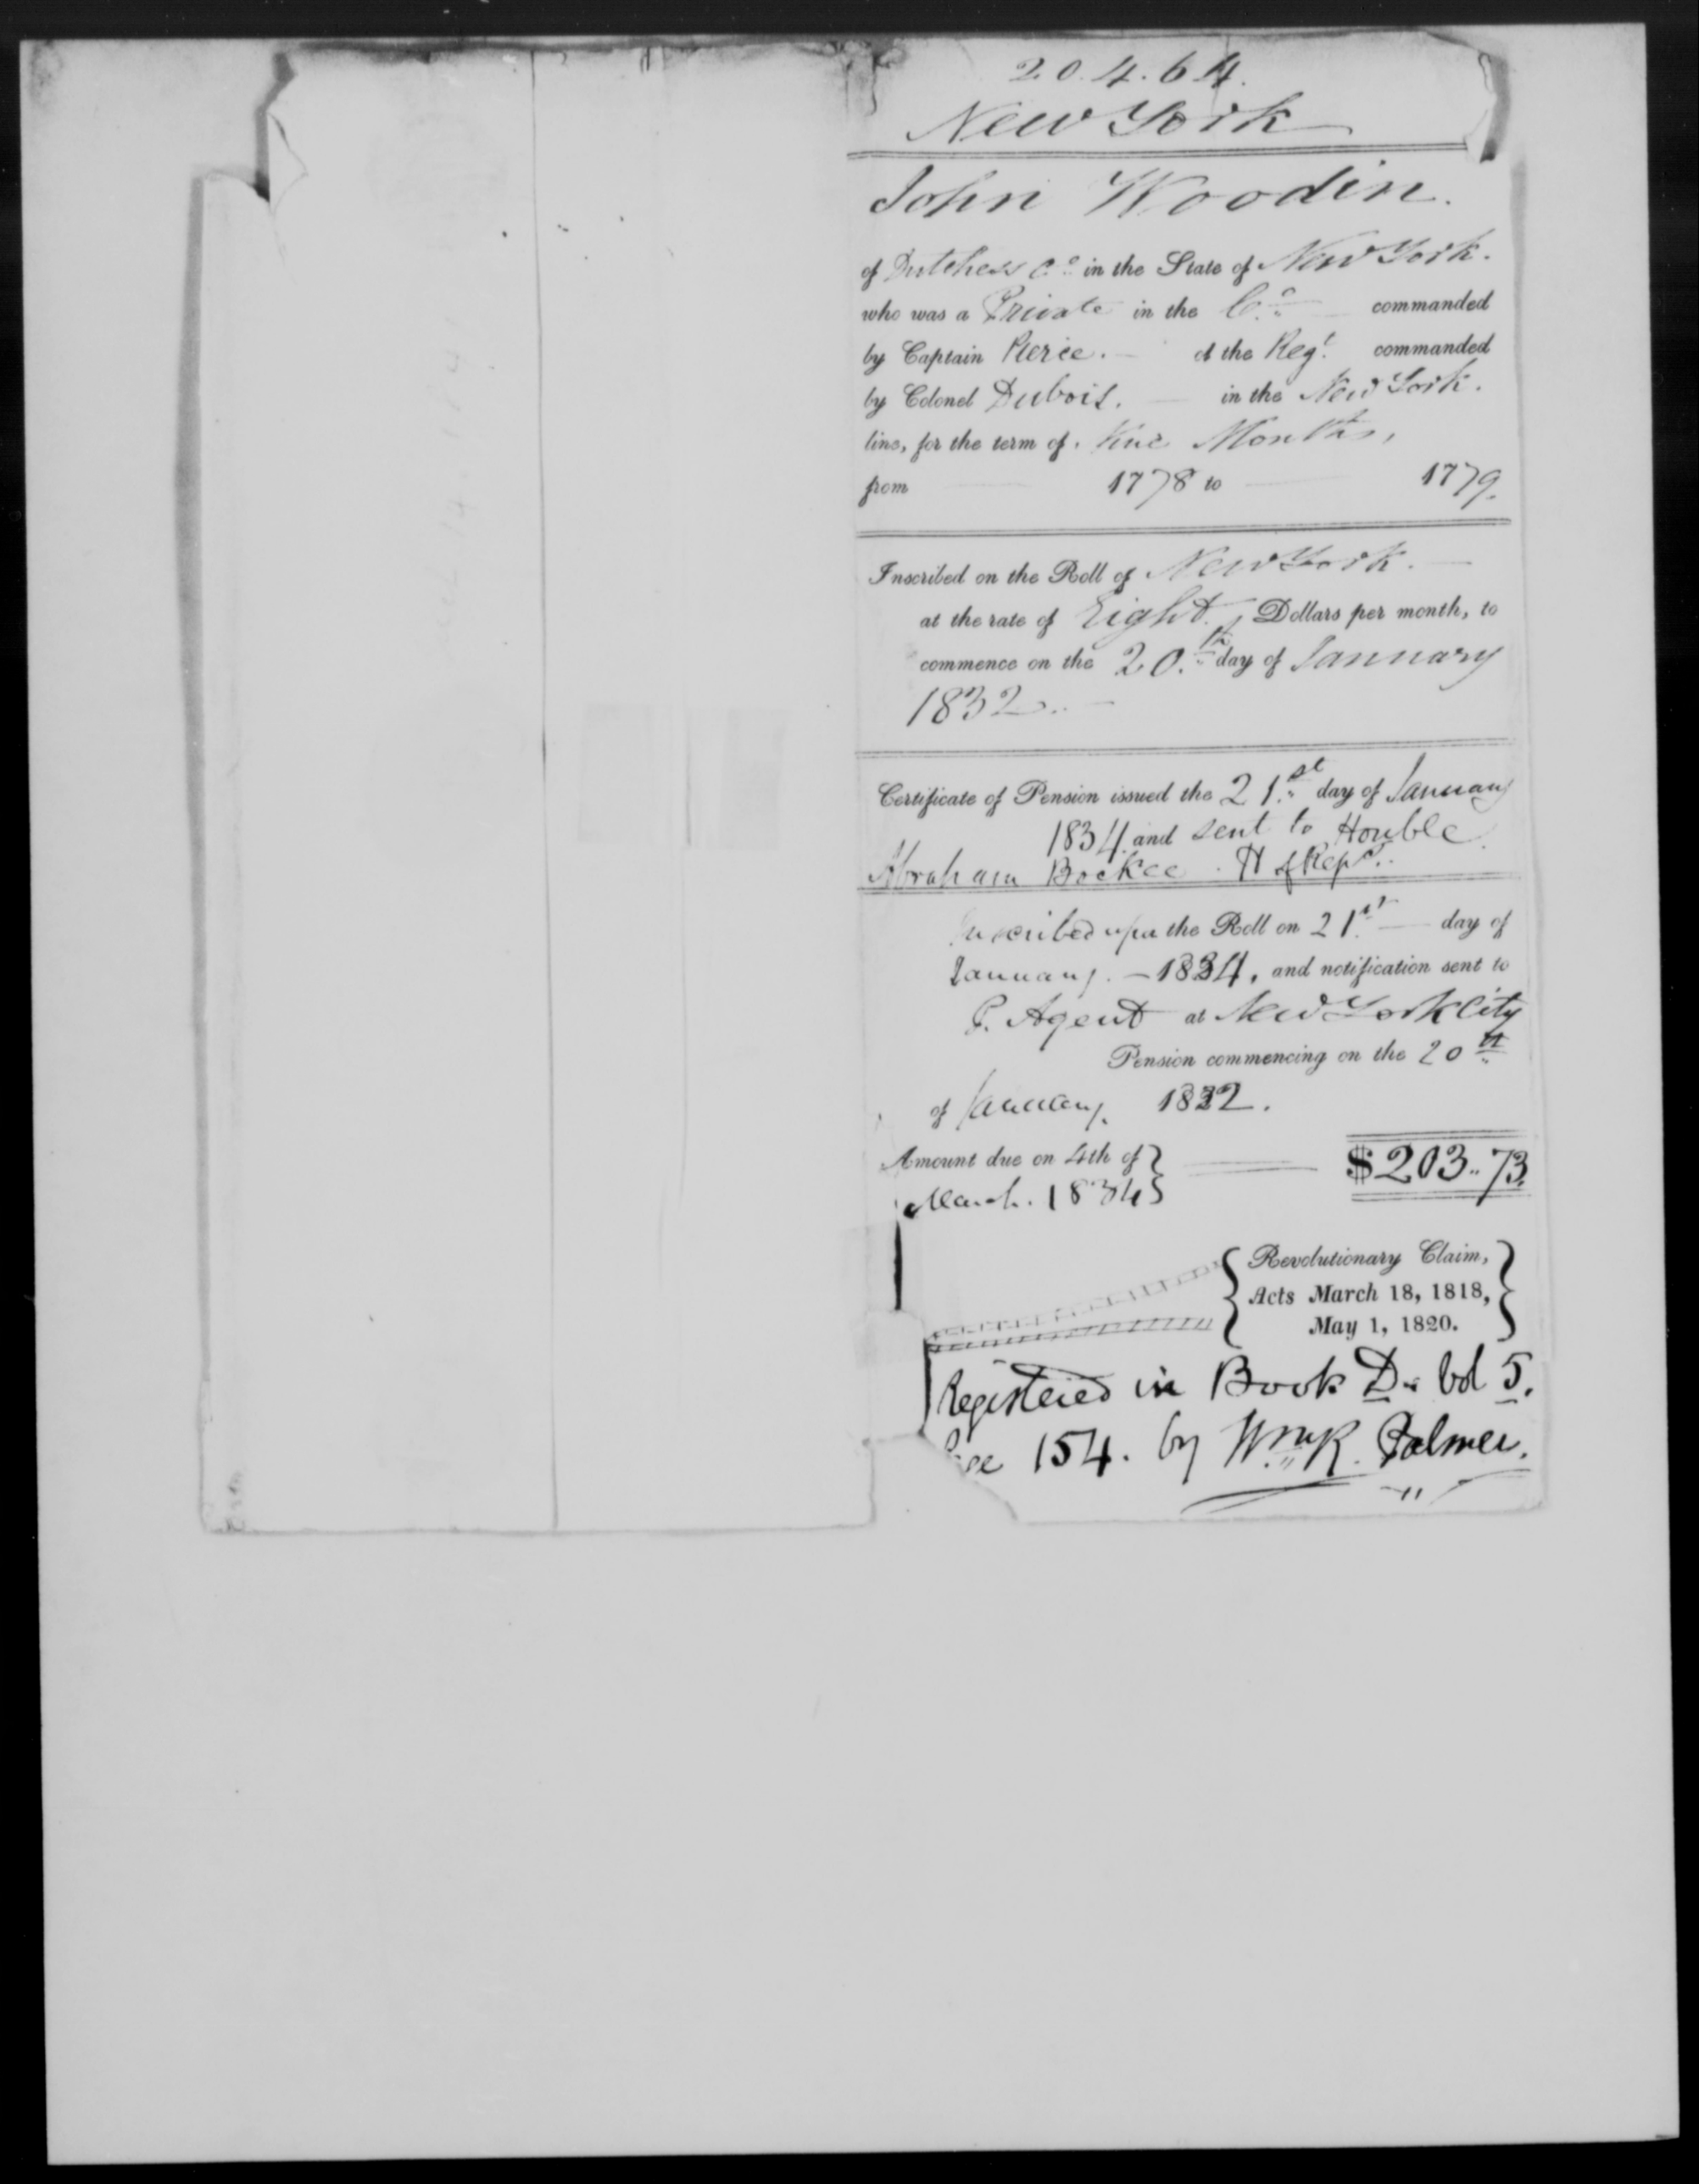2.0.4.64. 
New York 
John Woodin of Dutchess Co in the State of New York 
who was a Private in the Co commanded 
by Captain Pierce. of the Regt commanded
by Colonel Dubois in the New York 
line, for the term of nine Months, from 1778 to 1779 --- 

Inscribed on the Roll of New York at the rate of Eight Dollars per month, to commence on the 20th day of January 1832
--- Certificate of Pension issued the 21st day of January 1834 and sent to Honble Abraham Becker H of Rep.

Subscribed upon the Roll on 20th day of January - 1834, and notification sent to P. Agent at New York City 
Pension commencing on the 20th of January 1832. Amount due on 4th of March 1834 $203.73 

Revolutionary Claim, 4 Acts March 18, 1818, May 1, 1820.

Registered in Book D. Vol 5. Page 154 by Wm. R. Palmer.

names: Dubois, Abraham Bockee, Pierce, Wm R Palmer, John Woodin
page: 3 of 77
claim: widow's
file: W. 19658, John Woodin, New York